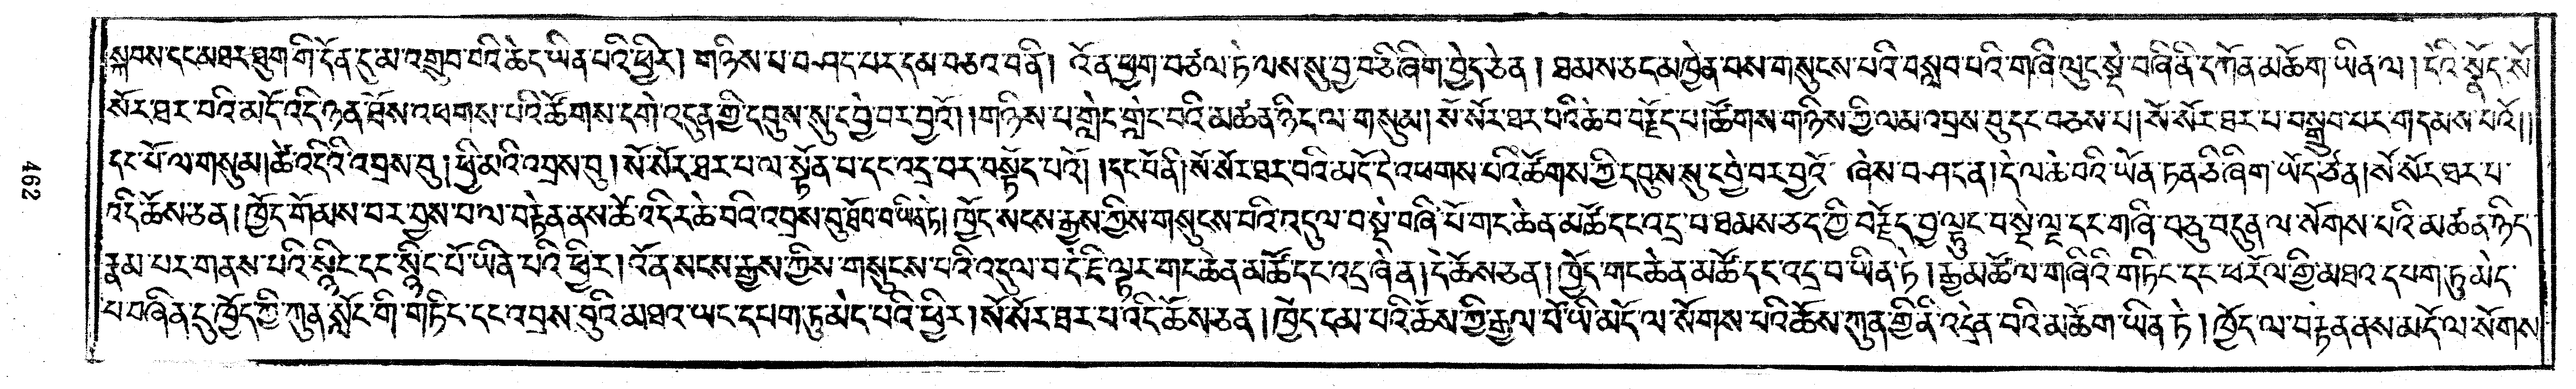སྐབས་དང་མཐར་ཐུག་གི་དོན་དུ་མ་འགྲུབ་བའི་ཆེད་ཡིན་པའི་ཕྱིར། གཉིས་པ་བཤད་པར་དམ་བཅའ་བ་ནི། འོ་ན་ཕྱག་བཙལ་ཏེ་ལས་སུ་བྱ་བ་ཅི་ཞིག་བྱེད་ཅེ་ན། ཐམས་ཅད་མཁྱེན་བས་གསུངས་པའི་བསླབ་པའི་གཞི་ལུང་སྡེ་བཞི་ནི་དཀོན་མཆོག་ཡིན་ལ། དེའི་སྣོད་སོ་
སོར་ཐར་བའི་མདོ་འདི་ཉན་ཐོས་འཕགས་པའི་ཚོགས་དགེ་འདུན་གྱི་དབུས་སུ་དབྱེ་བར་བྱའོ། །གཉིས་པ་གླེང་གླེང་བའི་མཚན་ཉིད་ལ་གསུམ། སོ་སོར་ཐར་པའི་ཆེ་བ་བརྗོད་པ། ཚོགས་གཉིས་ཀྱི་ལམ་འབྲས་བུ་དང་བཅས་པ། སོ་སོར་ཐར་པ་བསྒྲུབ་པར་གདམས་པའོ།།
དང་པོ་ལ་གསུམ། ཚེ་འདིའི་འབྲས་བུ། ཕྱི་མའི་འབྲས་བུ་།སོ་སོར་ཐར་པ་ལ་སྟོན་པ་དང་འདྲ་བར་བསྟོད་པའོ། །དང་པོ་ནི། སོ་སོར་ཐར་བའི་མདོ་དེ་འཕགས་པའི་ཚོགས་ཀྱི་དབུས་སུ་དབྱེ་བར་བྱའོ། ཞེས་བཤད་ན། དེ་ལ་ཆེ་བའི་ཡོན་ཏན་ཅི་ཞིག་ཡོད་ཙན། སོ་སོར་ཐར་པ་
འདི་ཆོས་ཅན། ཁྱོད་གོམས་པར་བྱས་བ་ལ་བརྟེན་ནས་ཚེ་འདིར་ཆེ་བའི་འབྲས་བུ་ཐོབ་བ་ཡིན་ཏེ། ཁྱོད་སངས་རྒྱས་ཀྱིས་གསུངས་པའི་འདུལ་བ་སྡེ་བཞི་པོ་གང་ཆེན་མཚོ་དང་འདྲ་བ་ཐམས་ཅད་ཀྱི་བརྗོད་བྱ་ལྟུང་བ་སྡེ་ལྔ་དང་གཞི་བཅུ་བདུན་ལ་སོགས་པའི་མཚན་ཉིད་
རྣམ་པར་གནས་པའི་སྙིང་དང་སྙིང་པོ་ཡིན་པའི་ཕྱིར། འོ་ན་སངས་རྒྱས་ཀྱིས་གསུངས་པའི་འདུལ་བ་དེ་ཇི་ལྟར་གང་ཆེན་མཚོ་དང་འདྲ་ཞེ་ན། དེ་ཆོས་ཅན། ཁྱོད་གང་ཆེན་མཚོ་དང་འདྲ་བ་ཡིན་ཏེ་།རྒྱ་མཚོ་ལ་གཞིའི་གཏིང་དང་ཕ་རོལ་གྱི་མཐའ་དཔག་ཏུ་མེད་
པ་བཞིན་དུ་ཁྱོད་ཀྱི་ཀུན་སློང་གི་གཏིང་དང་འབྲས་བུའི་མཐའ་ཡང་དཔག་ཏུ་མེད་པའི་ཕྱིར། སོ་སོར་ཐར་པ་འདི་ཆོས་ཅན་།ཁྱོད་དམ་པའི་ཆོས་ཀྱི་རྒྱལ་པོ་ཡི་མདོ་ལ་སོགས་པའི་ཆོས་ཀུན་གྱི་ནི་འདྲེན་བའི་མཆོག་ཡིན་ཏེ་།ཁྱོད་ལ་བརྟེན་ནས་མདོ་ལ་སོགས་